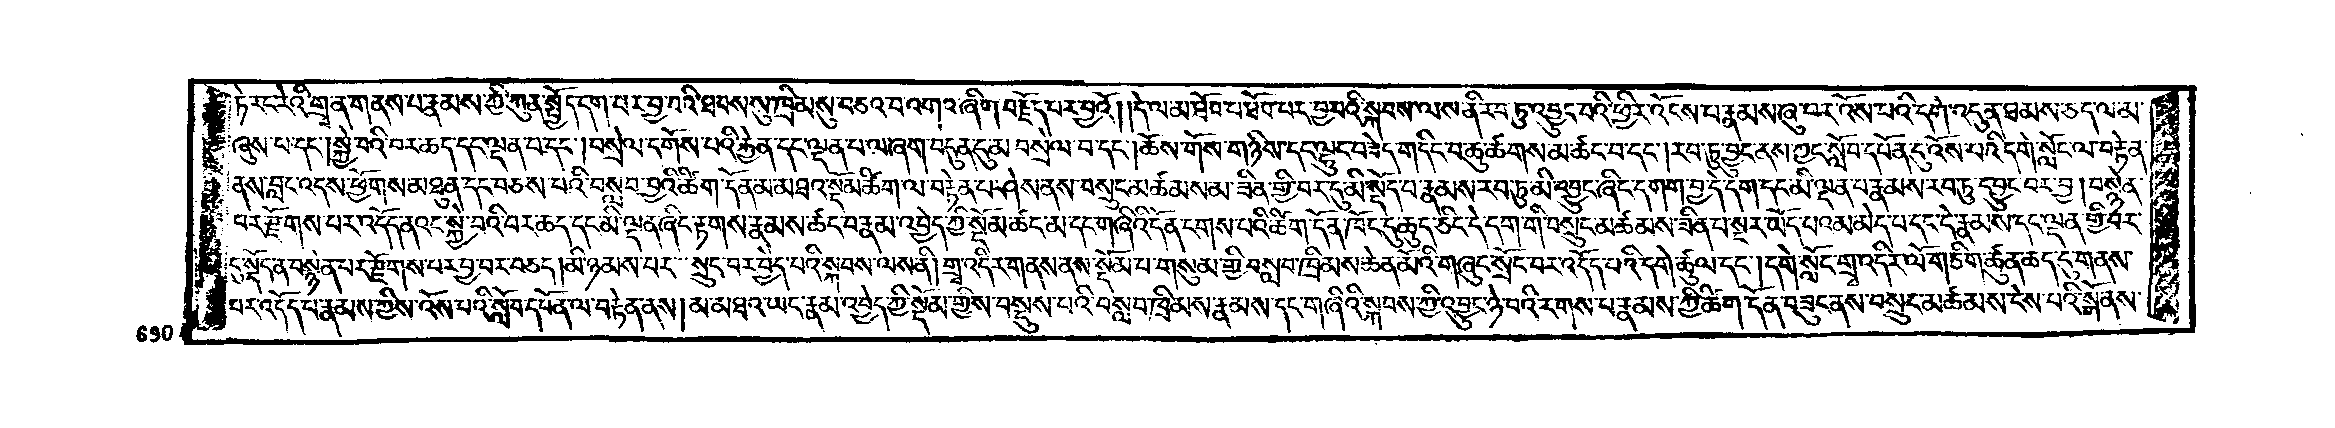ཏེ་རང་རེའི་གྲྭ་གནས་པ་རྣམས་ཀྱི་ཀུན་སྤྱོད་དག་པར་བྱ་བའི་ཐབས་སུ་ཁྲིམས་སུ་བཅའ་བ་འགའ་ཞིག་བརྗོད་པར་བྱའོ། །དེ་ལ་མ་ཐོབ་པ་ཐོབ་པར་བྱ་བའི་སྐབས་ལས་ནི་རབ་ཏུ་འབྱུང་བའི་ཕྱིར་འོངས་པ་རྣམས་ཞུ་བར་འོས་པའི་དགེ་འདུན་ཐམས་ཅད་ལ་མ་
ཞུས་པ་དང་། སྐྱེ་བའི་བར་ཆད་དང་ལྡན་པ་དང་། བསྲེལ་དགོས་པའི་རྐྱེན་དང་ལྡན་པ་ལ་ཞག་བདུན་དུ་མ་བསྲེལ་བ་དང་། ཆོས་གོས་གཉིས་དང་ལྷུང་བཟེད་གདིང་བ་ཆུ་ཚགས་མ་ཚང་བ་དང་། རབ་ཏུ་བྱུང་ནས་ཀྱང་སློབ་དཔོན་དུ་འོས་པའི་དགེ་སློང་ལ་བརྟེན་
ནས་བླང་འདས་ཕྱོགས་མཐུན་དང་བཅས་པའི་བསླབ་བྱའི་ཚིག་དོན་མ་མཐའ་སྡོམ་ཚིག་ལ་བརྟེན་པ་ཤེས་ནས་བསྲུང་མཚམས་མ་ཟིན་གྱི་བར་དུ་མི་སྡོད་པ་རྣམས་རབ་ཏུ་མི་དབྱུང་ཞིང་དགག་བྱ་དེ་དག་དང་མི་ལྡན་པ་རྣམས་རབ་ཏུ་དབྱུང་བར་བྱ། བསྙེན་
པར་རྫོགས་པར་འདོད་ནའང་སྐྱེ་བའི་བར་ཆད་དང་མི་ལྡན་ཞིང་རྟགས་རྣམས་ཚང་བ་རྣམ་འབྱེད་ཀྱི་སྡོམ་ཚང་མ་དང་གཞིའི་དོན་རགས་པའི་ཚིག་དོན་ཁོང་དུ་ཆུད་ཅིང་དེ་དག་གི་བསྲུང་མཚམས་ཟིན་པ་སྔར་ཡོད་པའམ་མེད་པ་དང་དེ་རྣམས་དང་ལྡན་གྱི་བར་
དུ་སྡོད་ན་བསྙེན་པར་རྫོགས་པར་བྱ་བར་བཅད། མི་ཉམས་པར་སྲུང་བར་བྱེད་པའི་སྐབས་ལས་ནི། གྲྭ་འདིར་གནས་ནས་སྡོམ་པ་གསུམ་གྱི་བསླབ་ཁྲིམས་ཆེན་མོའི་གཞུང་སྲོང་བར་འདོད་པའི་དགེ་ཚུལ་དང་། དགེ་སློང་གྲྭ་འདིར་ལོ་གཅིག་ཚུན་ཆད་དུ་གནས་
པར་འདོད་པ་རྣམས་ཀྱིས་འོས་པའི་སློབ་དཔོན་ལ་བརྟེན་ནས། མ་མཐའ་ཡང་རྣམ་འབྱེད་ཀྱི་སྡོམ་གྱིས་བསྡུས་པའི་བསླབ་ཁྲིམས་རྣམས་དང་གཞིའི་སྐབས་ཀྱི་འབྱུང་ཉེ་བའི་རགས་པ་རྣམས་ཀྱི་ཚིག་དོན་བཟུང་ནས་བསྲུང་མཚམས་ངེས་པའི་སྒོ་ནས་